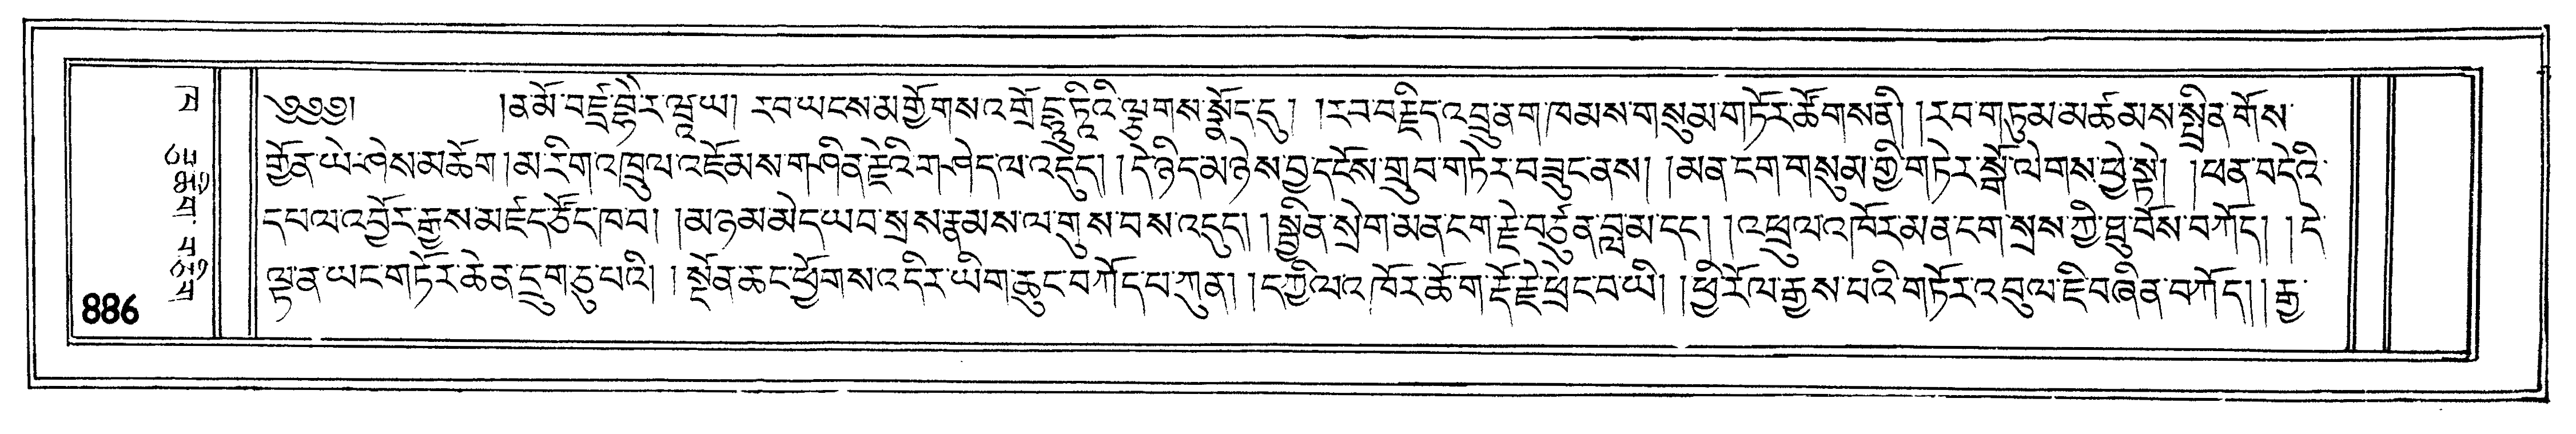༄༅༅། །ན་མོ་བཛྲ་བྷཻ་ར་ཝཱ་ཡ། རབ་ཡངས་མགྱོགས་འགྲོ་དྷཱུ་ཏཱིའི་ལྕགས་སྣོད་དུ། །རབ་བརྗིད་འབྲུ་ནག་ཁམས་གསུམ་གཏོར་ཚོགས་ནི། །རབ་གཏུམ་མཚམས་སྤྲིན་གོས་
གྱོན་ཡེ་ཤེས་མཆོག །མ་རིག་འཁྲུལ་འཇོམས་གཤིན་རྗེའི་གཤེད་ལ་འདུད། །དེ་ཉིད་མཉེས་བྱ་དངོས་གྲུབ་གཏེར་བཟུང་ནས། །མན་ངག་གསུམ་གྱི་གཏེར་སྒོ་ལེགས་ཕྱེ་སྟེ། །ཕན་བདེའི་
དཔལ་འབྱོར་རྒྱས་མཛད་ཙོང་ཁ་བ། །མཉམ་མེད་ཡབ་སྲས་རྣམས་ལ་གུས་བས་འདུད། །སྦྱིན་སྲེག་མན་ངག་རྗེ་བཙུན་བླ་མ་དང་། །འཕྲུལ་འཁོར་མན་ངག་སྲས་ཀྱི་ཐུ་བོས་བཀོད། །དེ་
ལྟ་ན་ཡང་གཏོར་ཆེན་དྲུག་ཅུ་པའི། །སྔོན་ཆང་ཕྱོགས་འདིར་ཡིག་ཆུང་བཀོད་པ་ཀུན། །དཀྱིལ་འཁོར་ཆོ་ག་རྡོ་རྗེ་ཕྲེང་བ་ཡི། །ཕྱི་རོལ་རྒྱས་པའི་གཏོར་འབུལ་ཇི་བཞིན་བཀོད། །རྒྱ་